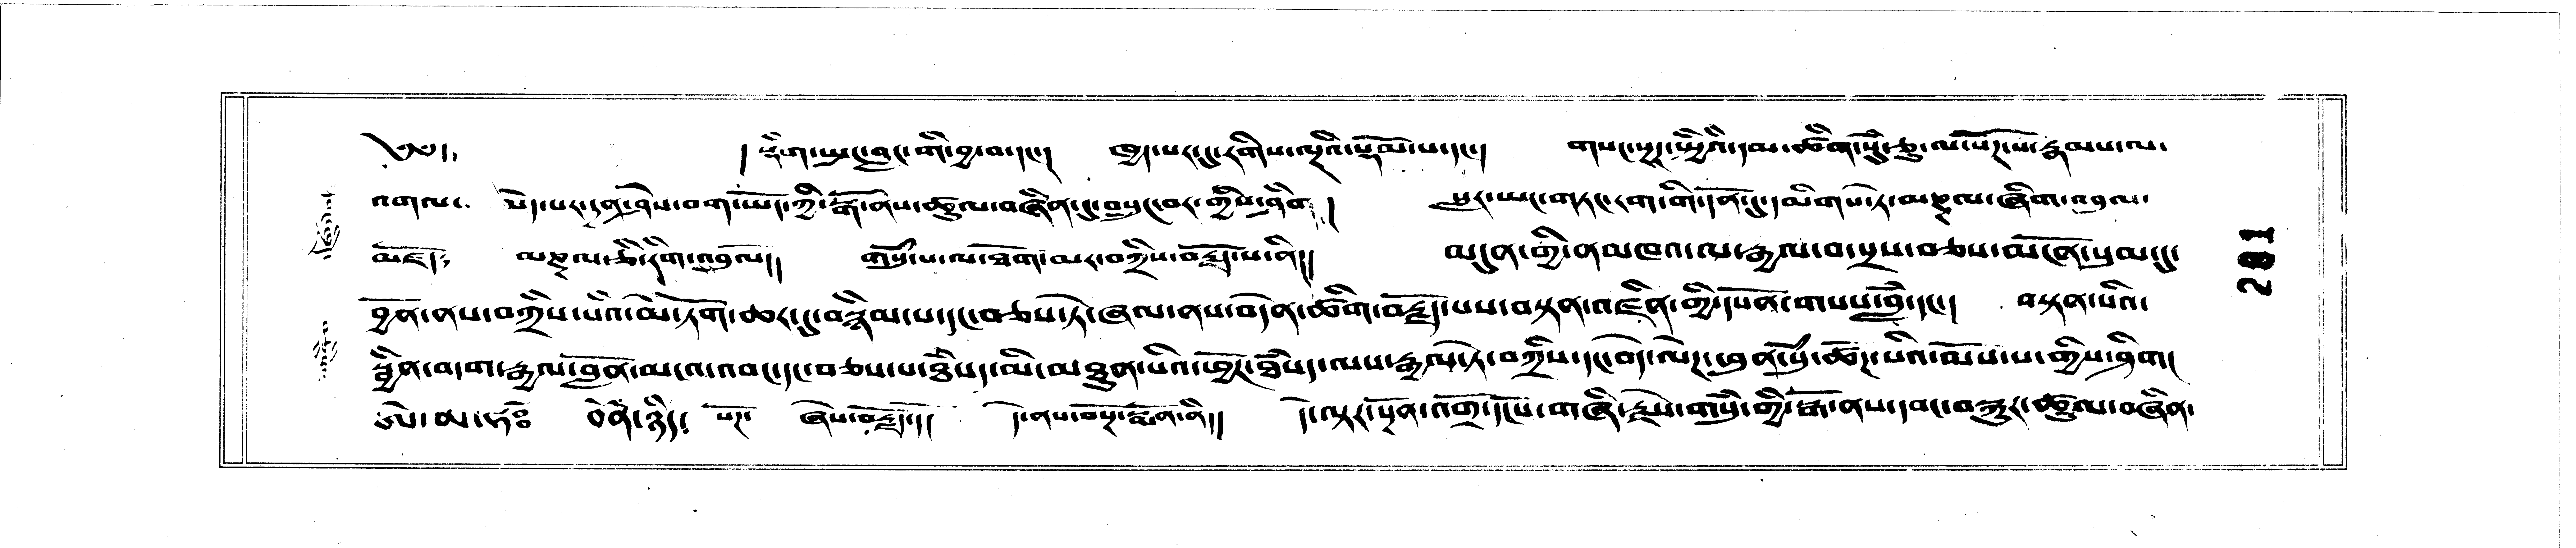སྡིག་སྤང་བླང་གི་བྱ་བ་དང་། ཁྱད་པར་དུ་རིགས་ལྔའི་སྡོམ་པ་དང་། གསང་སྔགས་སྤྱི་ཡི་དམ་ཚིག་སུམ་ཅུ་ལ་སོགས་པ་རྣམས་ལ།
 འགལ་བ་མེད་པར་དྲན་ཤེས་བག་ཡོད་ཀྱི་སྒོ་ནས་ཚུལ་བཞིན་དུ་བསྲུང་བར་གྱིས་ཤིག། སླར་ཡང་གཏང་རག་གི་དོན་དུ་དམིགས་ཏེ་མཎྚལ་འབུལ་
མཛོད། མཎྚལ་ཅི་རིགས་འབུལ་ལོ། གསུམ་པ་ལ་ཐོག་མར་བཀྲ་ཤིས་བརྗོད་པ་ནི། མདུན་གྱི་ནམ་མཁའ་ལ་རྒྱལ་བ་སྲས་བཅས་མངོན་སུམ་དུ་
བྱོན་ནས་བཀྲ་ཤིས་པའི་མེ་ཏོག་ཆར་དུ་བསྙིལ་བ་དང་བཅས་ཏེ་ཞལ་ནས་བདེན་ཚིག་བརྗོད་པས་བསྟན་འཛིན་གྱི་དཔོན་གསས་བླ་མ་དང་། བསྟན་པའི་
སྦྱིན་བདག་རྒྱལ་བློན་མངའ་འབངས་དང་བཅས་པ་ཐམས་ཅད་མི་མཐུན་ཕྱོགས་ཐམས་ཅད་ལས་རྒྱལ་ཏེ་བཀྲ་ཤིས་དང་བདེ་ལེགས་ཕུན་སུམ་ཚོགས་པའི་མོས་པ་གྱིས་ཤིག། 
ཨེ་མ་ཧོ། བོན་ཉིད། སོགས། ཞེས་བརྗོད་དོ། དེ་ནས་བསྔོ་སྨོན་ནི། དེ་ལྟར་སྔོན་འགྲོ་དངོས་གཞི་རྗེས་གསུམ་གྱི་སྒོ་ནས་དབང་བསྐུར་ཚུལ་བཞིན་